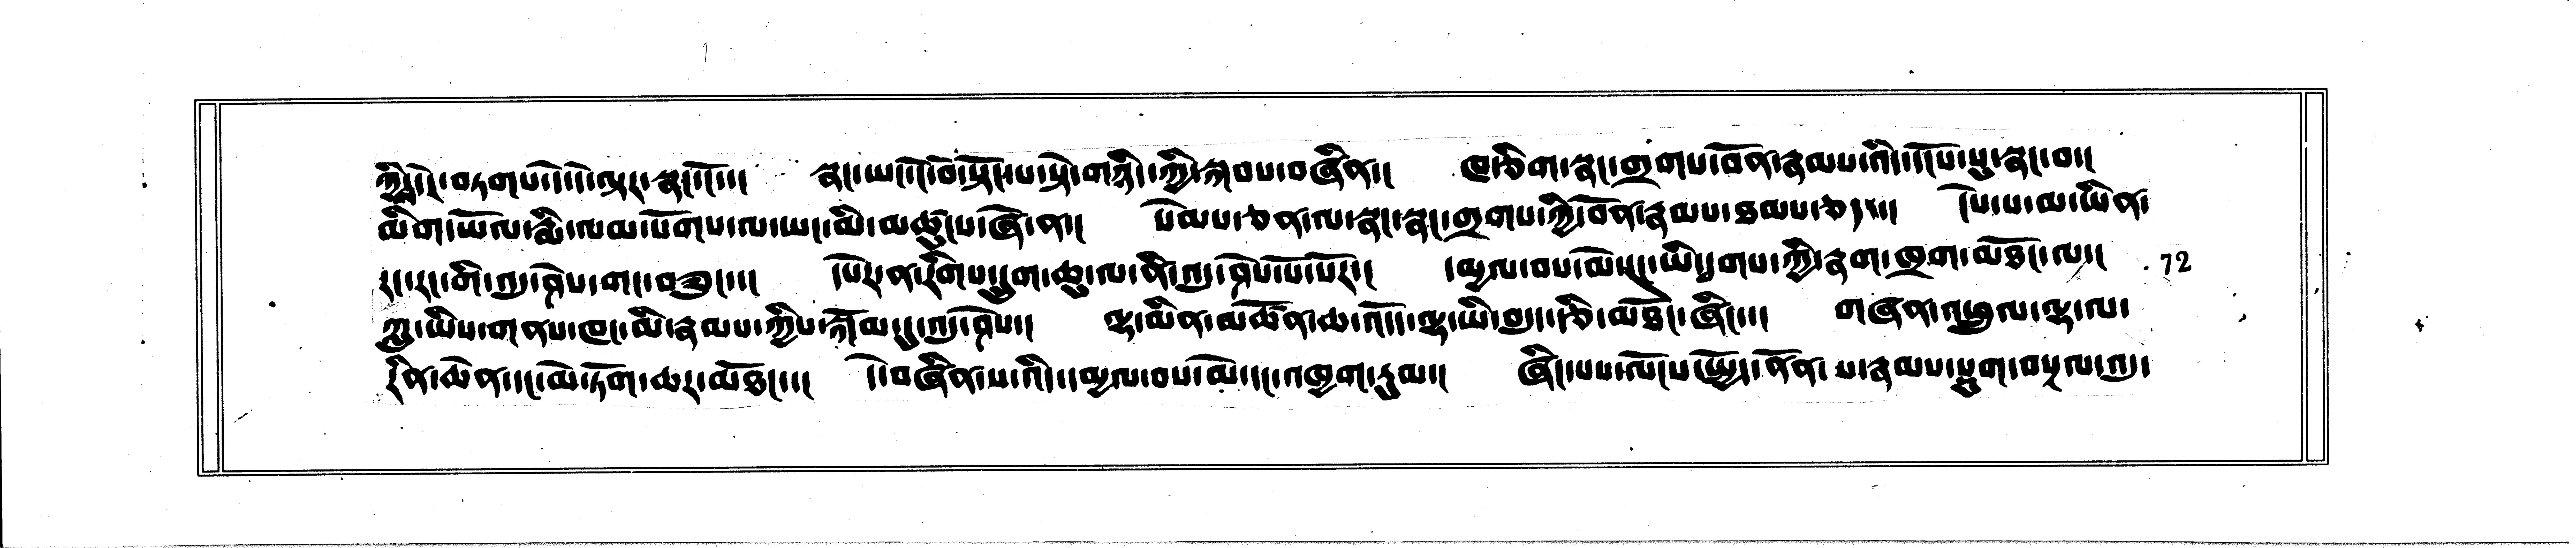ཀྱི་ངོ་བཏགས་དེ་དེ་ལྟར་སྣང་ངོ་། །སྣང་ཡང་ངོ་བོ་སྟོང་པ་དེ་གཉིད་ཀྱི་སྐབས་བཞིན། །ཁ་ཅིག་སྣང་གྲགས་བོན་རྣམས་འདི་དངོས་སུ་སྣང་བ། །
མིག་ཡོལ་རྨི་ལམ་སོགས་ལ་ཡང་མི་མཚུངས་ཞེ་ན། །སེམས་ཅན་ལ་སྣང་སྣང་གྲགས་ཀྱི་བོན་རྣམས་ཐམས་ཅད། །ངེས་པ་མ་ཡིན་
རང་རང་གི་འདུ་ཤེས་གང་བཟུང་། །དཔེར་ན་རིགས་དྲུག་ཆུ་ལ་ནི་འདུ་ཤེས་སོ་སོར། །དམྱལ་བས་མེ་དང་ཡི་དྭགས་ཀྱིས་རྣག་ཁྲག་མཐོང་ལ། །
ཀླུ་ཡིས་གནས་ཁང་མི་རྣམས་སྐོམ་དུ་འདུ་ཤེས། །ལྷ་མིན་མཚོན་ཆ་འདོད་ལྷ་ཡིས་བདུད་རྩི་མཐོང་ཞིང་། །གཞན་འཕྲུལ་ལྷ་ལ་
རིན་ཆེན་དང་མེ་ཏོག་ཆར་མཐོང་། །དེ་བཞིན་ས་འདི་དམྱལ་བས་མེ་དང་འཁྱག་རོམ། །ཞིང་པས་ལོངས་སྤྱོད་ནོན་པ་རྣམས་སྡུག་བསྔལ་འདུ་